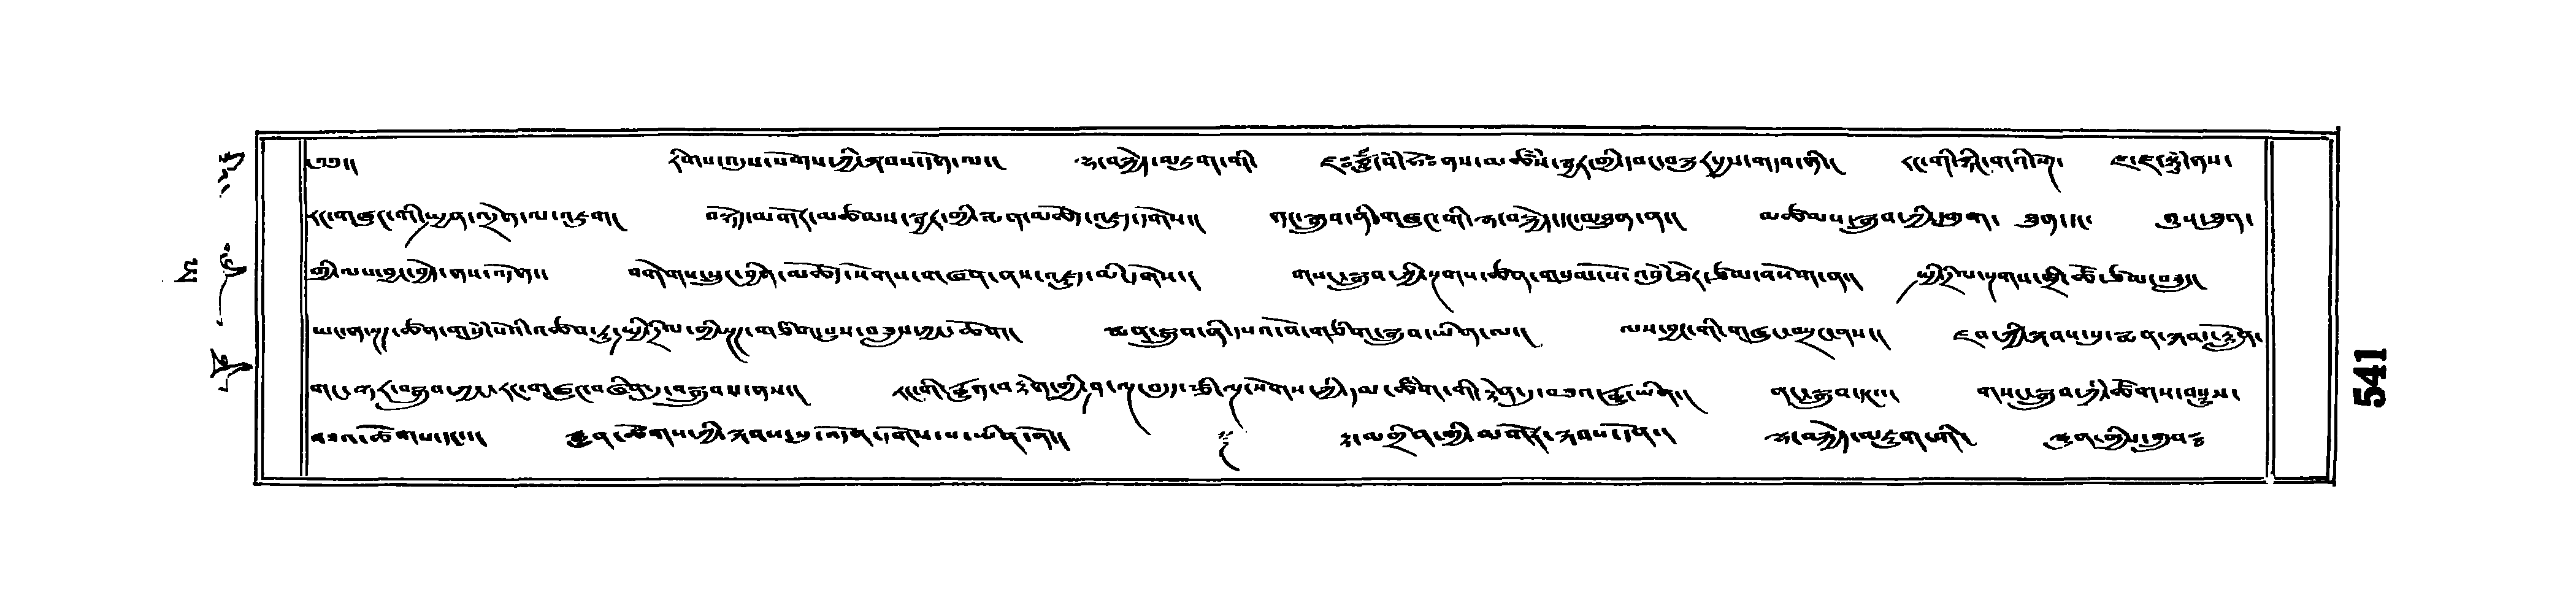རིག་འདུས་སོགས་ཀྱི་སྐབས་དོན་ལ། ལྷ་བསྐྱེད་མཇུག་གི ཛཿཧཱུྃ་བཾ་ཧོཿ ནས་མཚམས་སྦྱར་གྱི་དབང་བསྐུར་རྒྱས་གདབ་ནི། རང་གི་སྙིང་གའི་སོགས། ཛ་ཛ་སྟྭམ་ནས་
རང་གཞུང་གི་སྤྱན་འདྲེན་ལ་འཇུག བསྟོད་འགོར་མཚམས་སྦྱར་གྱི་སྨན་མཆོད་འཛུད་དགོས། ནང་སྒྲུབ་ནི་གཞུང་གི་ལྷ་བསྐྱེད་དང་མཐུན་ན་མཚམས་སྒྲུབ་ཀྱི་དགུག་ཐུན་དང་། ནུས་ཐུན་
གྱི་ལས་བྱང་བྱེད་ནས་འདོན། བགེགས་སྲུང་བྱིན་མཆོད་སོགས་གཞན་ནས་འཛུད་མི་དགོས། གསང་སྒྲུབ་ཀྱི་སྔགས་ཚན་གསུམ་པོ་འབུམ་ཐེར་ཙམ་བསགས་ན། སྤྱི་དྲིལ་སྔགས་ཁྲི་ཚོ་ཙམ་བཟླ། 
ཡང་ན་སྔགས་ཚན་གསུམ་པོའི་འཚབ་ཏུ་སྤྱི་དྲིལ་གྱི་སྔགས་གཅིག་པུ་བཟླས་ཀྱང་ཆོག སྨན་སྒྲུབ་ནི་དཔའ་བོ་གཅིག་སྒྲུབ་ཡིན་ལ། ལས་བྱང་གི་གཞུང་བསྲང་ནས། འཛབ་ཀྱི་སྐབས་སུ་སྨན་སྐམ་རློན་
གང་ལྟར་བསྒྲུབ་ཀྱང་རང་གཞུང་བཞིན་དུ་བསྒྲུབས་ནས། རང་གི་རྒྱུན་སྟེན་གྱི་ཤ་ལྔ་བདུད་རྩི་ལྔ་སོགས་ཀྱི་དམ་ཚིག་གི་རྟེན་དུ་བཟའ་རྒྱུ་ཡིན། ནང་སྒྲུབ་དང་། གསང་སྒྲུབ་ཀྱི་ཚོགས་བསྡུས་
བཟའ་ཚོགས་དང་། རྒྱུན་ཚོགས་ཀྱི་སྐབས་སུ་འདོན་དགོས་པ་ཡིན་ནོ། ༈ རྟ་མགྲིན་གྱི་འགོར་སྐབས་དོན་ལྷ་བསྐྱེད་མཇུག་གི ལྷུན་གྱིས་གྲུབ༔